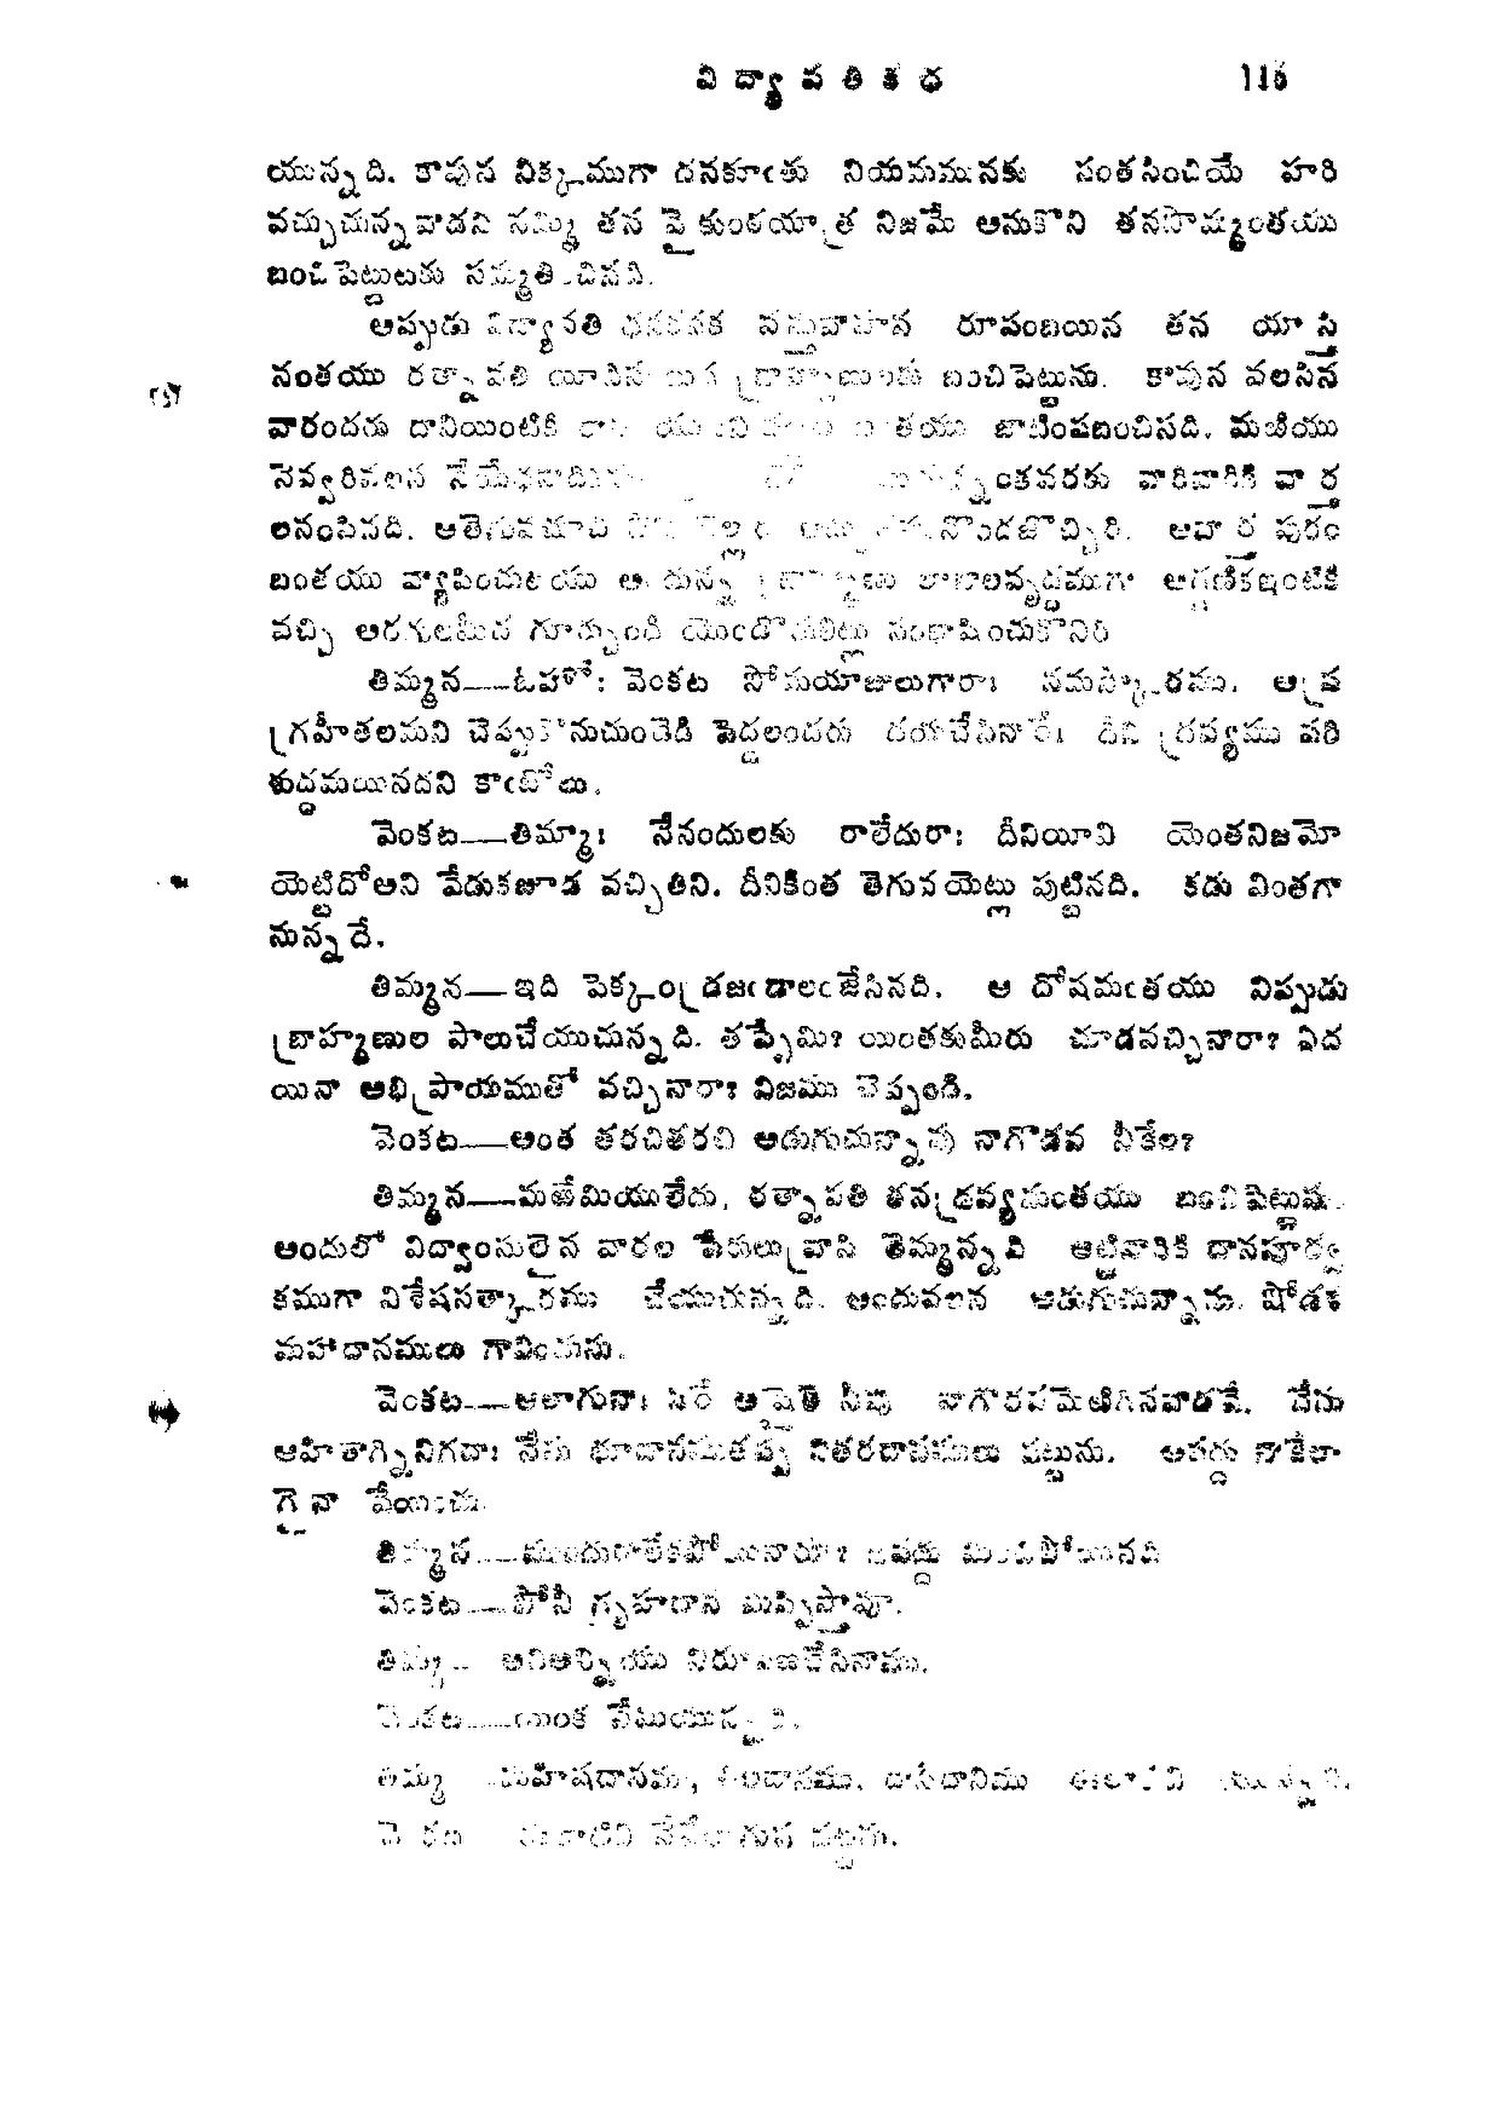యున్నది. కావున నిక్కముగా దనకూఁతు నియమమునకు సంతసించియే హరి వచ్చుచున్నవాడని నమ్మి తన వై కుంఠయాత్ర నిజమే అనుకొని తన సొమ్మంతయు బంచిపెట్టుటకు సమ్మతించినది.

అప్పుడు విద్యావతి ధనకనకవస్తువాహనరూపంబయిన తన యాస్తి నంతయు రత్నావతి యీదినంబున బ్రాహ్మణులకు బంచి పెట్టును. కావున వలసినవారందరు దానియింటికి రావలయునని పట్టణమంతయు జాటింపబంచినది. మఱియు నెవ్వరివలన నేయేధనాదికము -------
యున్నంతవరకు కవరకు వారివారికి వార్తలనంపినది. ఆతెగువచూచి పౌరులెల్ల అద్భుతము నొందజొచ్చిరి. ఆవార్త పురంబంతయు వ్యాపించుటయు అందున్న బ్రాహ్మణు లాబాలవృద్ధముగా అగ్గణికఇంటికి వచ్చి అరుగులమీద గూర్చుండి యుండొరులిట్లు సంభాషించుకొనిరి.

తిమ్మన - ఓహో! వెంకట సోమయాజులుగారా! నమస్కారము. అప్రగ్రహీతలమని చెప్పుకొనుచుండెడి పెద్దలందరు దయచేసినారే? దీని ద్రవ్యము పరిశుద్ధమయినదని కాఁబోలు.

వెంకట - తిమ్మా! నేనందులకు రాలేదురా! దీనియీవి యెంతనిజమో యెట్టిదో అని వేడుకజూడ వచ్చితిని. దీనికింత తెగువయెట్లు పుట్టినది. కడు వింతగా నున్నదే.

తిమ్మన — ఇది పెక్కండ్రజండాలఁ జేసినది. ఆ దోషమఁతయు నిప్పుడు బ్రాహ్మణుల పాలుచేయుచున్నది. తప్పేమి? యింతకుమీరు చూడవచ్చినారా? ఏదయినా అభిప్రాయముతో వచ్చినారా? నిజము చెప్పండి.

వెంకట - అంత తరచితరచి అడుగుచున్నావు నాగొడవ నీకేల?

తిమ్మన - మఱేమియులేదు. రత్నావతి తనద్రవ్యమంతయు బంచిపెట్టును. అందులో విద్వాంసులైన వారల పేరులువ్రాసి తెమ్మన్నది ఆట్టివారికి దానపూర్వకముగా విశేషసత్కారము చేయుచున్నది. అందువలన అడుగుచున్నాను. షోడశమహాదానములు గావించును.

వెంకట - ఆలాగునా! సరే ఆపైతె నీవు నాగౌరవమెఱిగినవాడవే. నేను ఆహితాగ్నినిగదా! నేను భూదానముతప్ప నితరదానములు పట్టను. ఆపద్దు నాకేలాగైనా వేయించు.

తిమ్మన - ముందురాలేకపోయినారూ? ఆవద్దు మించిపోయినది.

వెంకట - పోనీ గృహదాన మిప్పిస్తావూ.

తిమ్మన -- అవిఅన్నియు నిరూపణచేసినాము.

వెంకట - యింక నేమియున్నది.

తిమ్మన - మహిషదానము, తిలదానము, దాసీదానము ఈలాటివి యున్నవి.

వెంకట - మూటిని నేనేలాగున పట్టను.